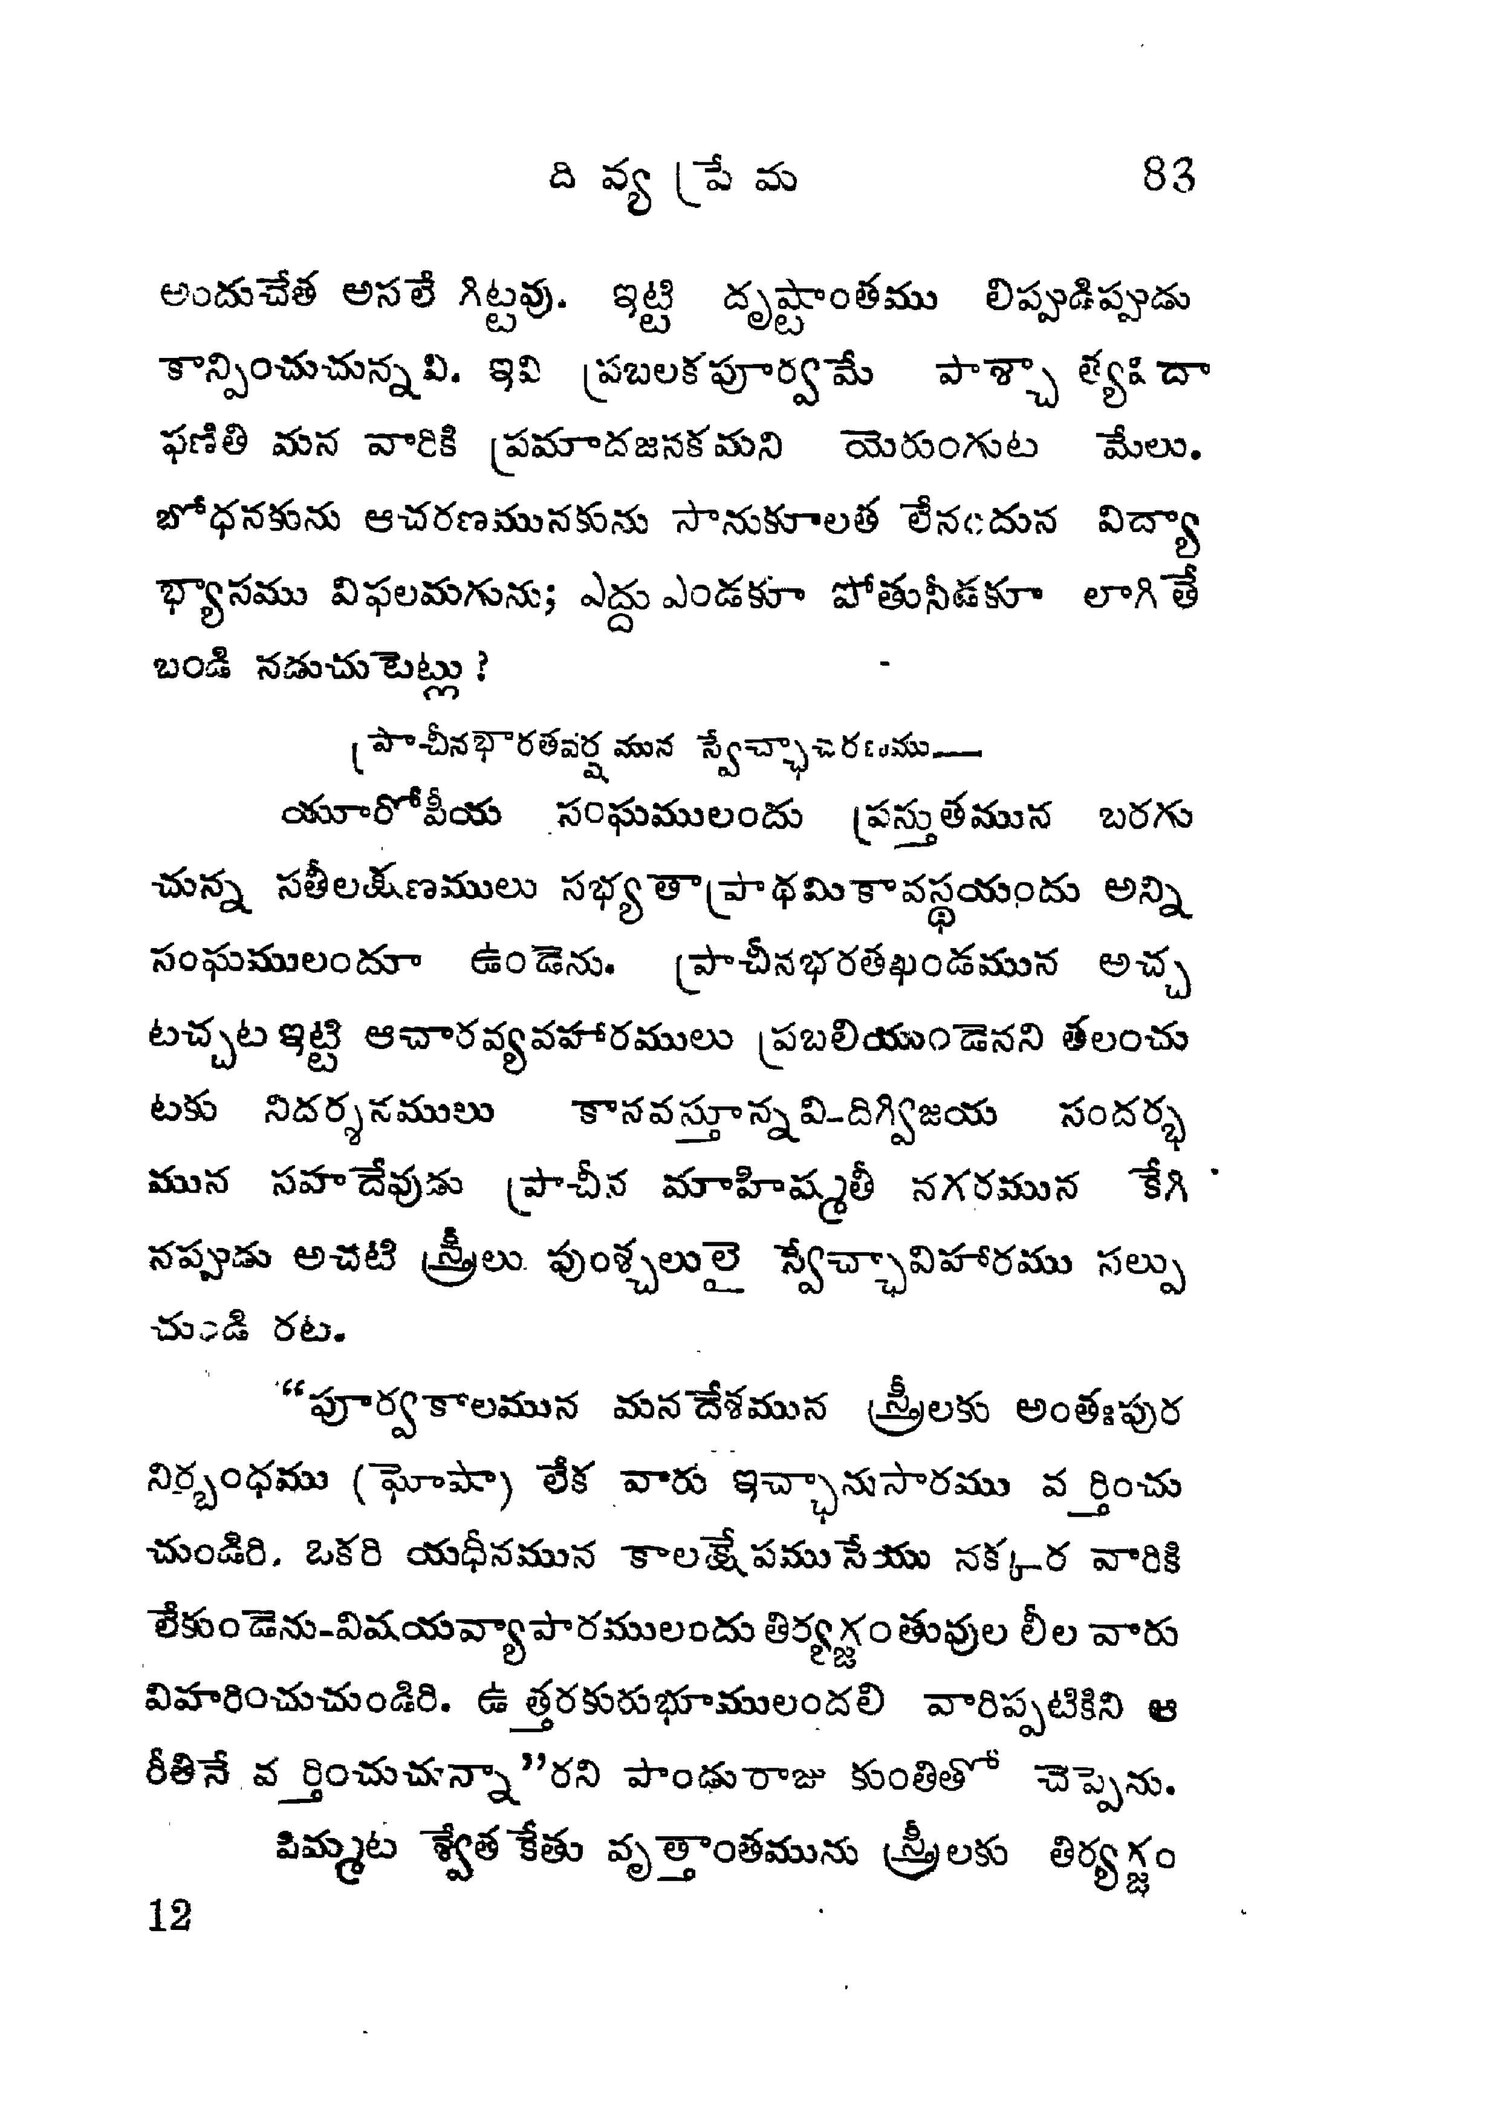అందుచేత అసలే గిట్టవు. ఇట్టి దృష్టాంతము లిప్పుడిప్పుడు కాన్పించుచున్నవి. ఇవి ప్రబలకపూర్వమే పాశ్చా త్యవిదాఫణితి మన వారికి ప్రమాదజనకమని యెరుంగుట మేలు. బోధనకును ఆచరణమునకును సానుకూలత లేనందున విద్యాభ్యాసము విఫలమగును; ఎద్దు ఎండకూ పోతునీడకూ లాగితే బండి నడుచుటెట్లు?

యూరోపీయ సంఘములందు ప్రస్తుతమున బరగుచున్న సతీలక్షణములు సభ్యతాప్రాథమికావస్థయందు అన్ని సంఘములందూ ఉండెను. ప్రాచీనభరతఖండమున అచ్చటచ్చట ఇట్టి ఆచారవ్యవహారములు ప్రబలియుండెనని తలంచుటకు నిదర్శనములు కానవస్తూన్నవి - దిగ్విజయ సందర్భమున సహదేవుడు ప్రాచీన మాహిష్మతీ నగరమున కేగినప్పుడు అచటి స్త్రీలు వుంశ్చలులై స్వేచ్ఛావిహారము సల్పుచుండి రట. 

"పూర్వకాలమున మనదేశమున స్త్రీలకు అంత:పుర నిర్బంధము (ఘోషా) లేక వారు ఇచ్ఛానుసారము వర్తించు చుండిరి. ఒకరి యధీనమున కాలక్షేపము సేయు నక్కర వారికి లేకుండెను - విషయవ్యాపారములందు తిర్యగ్జంతువుల లీల వారు విహరించుచుండిరి. ఉత్తరకురుభూములందలి వారిప్పటికిని ఆ రీతినే వర్తించుచున్నా" రని పాండురాజు కుంతితో చెప్పెను.

పిమ్మట శ్వేతకేతు వృత్తాంతమును స్త్రీలకు తిర్యగ్జం